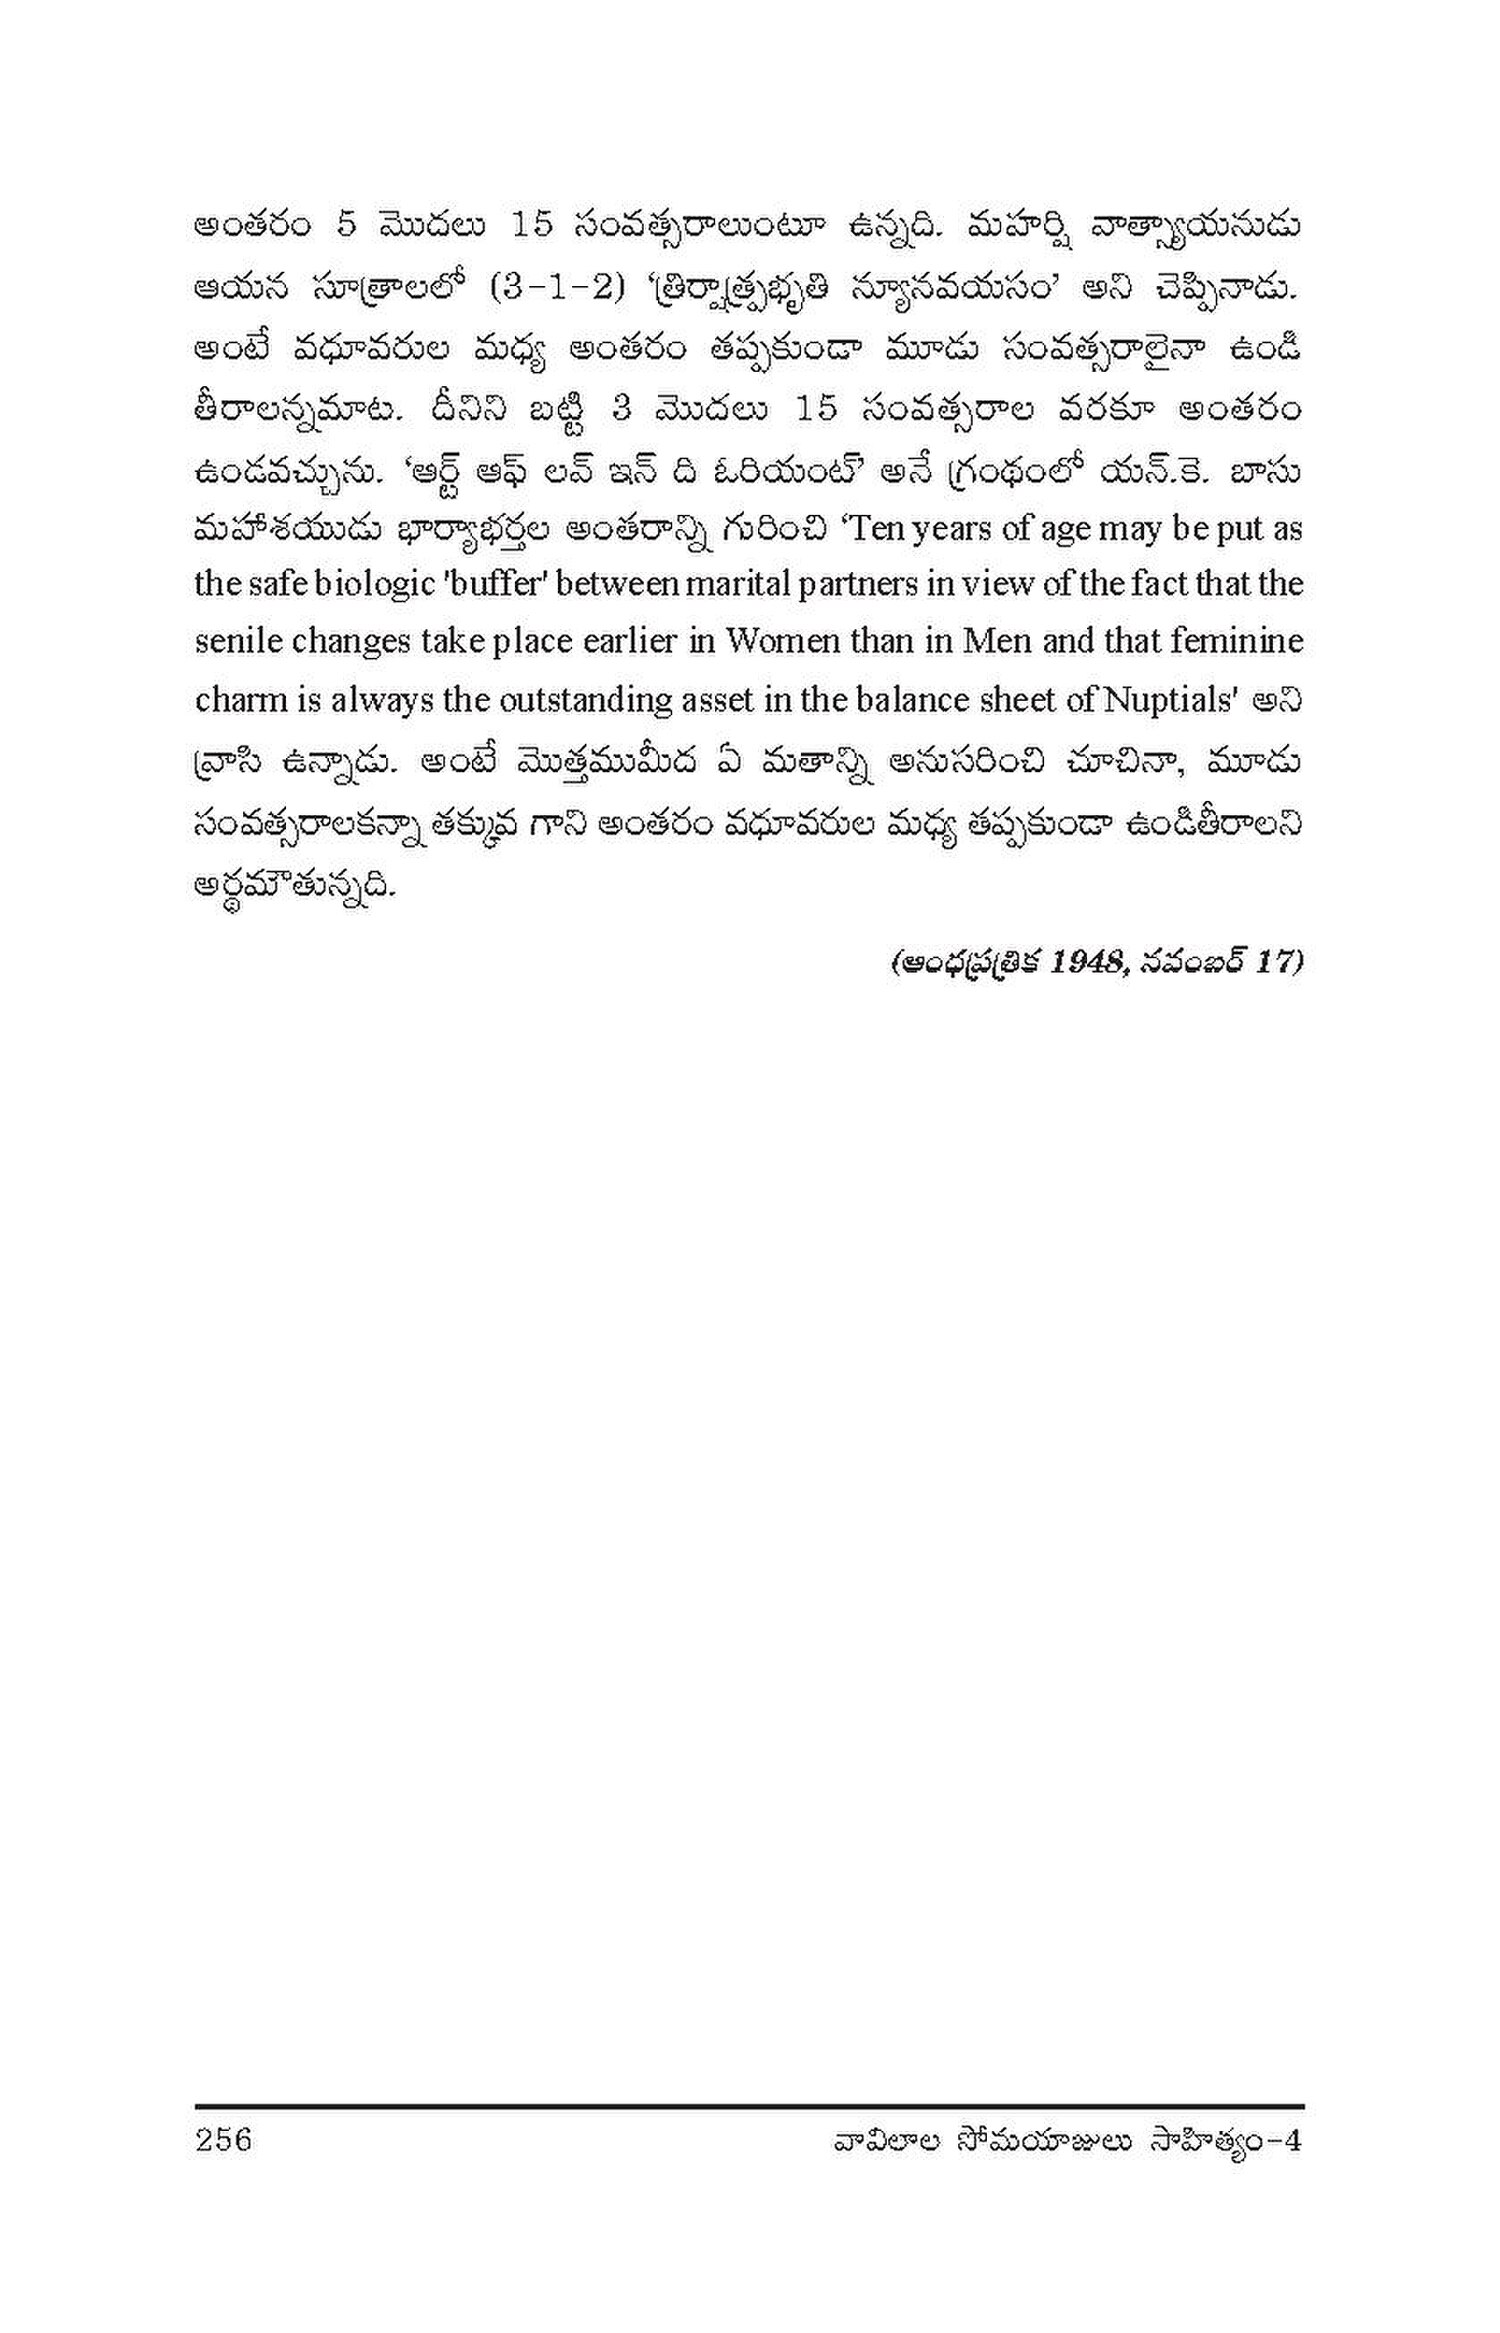అంతరం 5 మొదలు 15 సంవత్సరాలుంటూ ఉన్నది. మహర్షి వాత్స్యాయనుడు
ఆయన సూత్రాలలో (3-1-2) 'త్రిరాతృభృతి న్యూనవయసం' అని చెప్పినాడు.
అంటే వధూవరుల మధ్య అంతరం తప్పకుండా మూడు సంవత్సరాలైనా ఉండి
తీరాలన్నమాట. దీనిని బట్టి 3 మొదలు 15 సంవత్సరాల వరకూ అంతరం
ఉండవచ్చును. 'ఆర్ట్ ఆఫ్ లవ్ ఇన్ ది ఓరియంట్' అనే గ్రంథంలో యన్.కె. బాసు
మహాశయుడు భార్యాభర్తల అంతరాన్ని గురించి 'Ten years of age may be put as
the safe biologic 'buffer' between marital partners in view of the fact that the
senile changes take place earlier in Women than in Men and that feminine
charm is always the outstanding asset in the balance sheet of Nuptials' అని
వ్రాసి ఉన్నాడు. అంటే మొత్తముమీద ఏ మతాన్ని అనుసరించి చూచినా, మూడు
సంవత్సరాలకన్నా తక్కువ గాని అంతరం వధూవరుల మధ్య తప్పకుండా ఉండితీరాలని
అర్థమౌతున్నది.